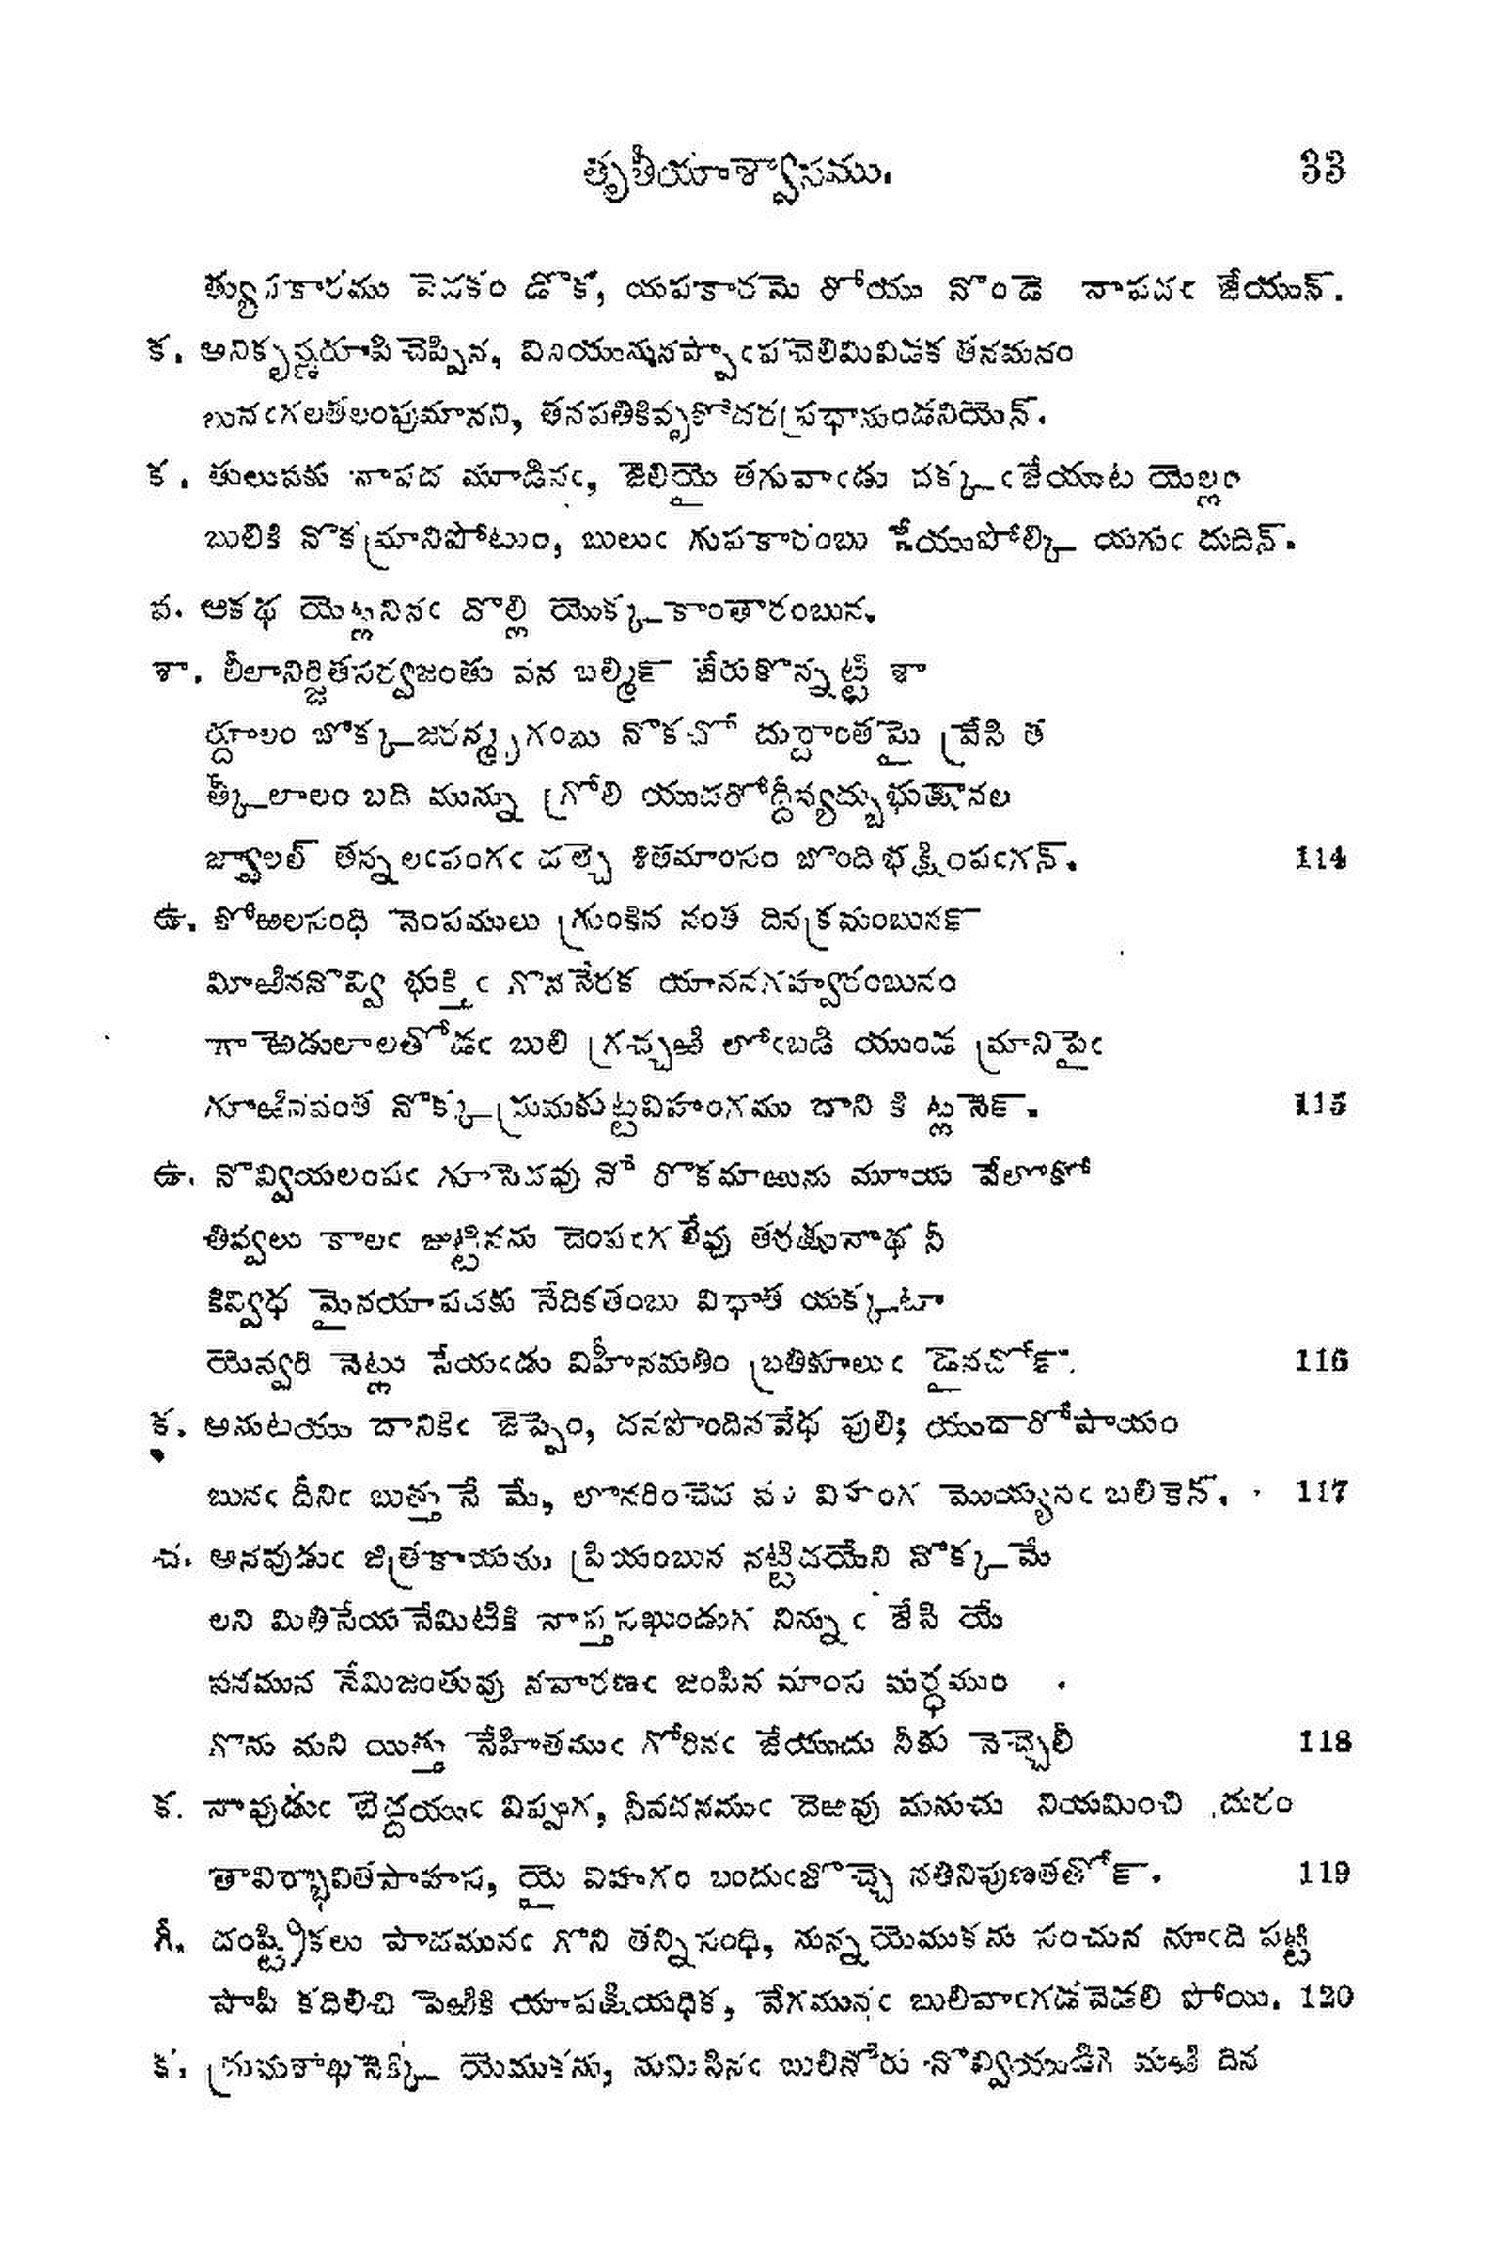త్యుపకారము వెదకం డొక, యపకారమె రోయు నొండె నాపదఁ జేయున్.
క. అని కృష్ణరూపి చెప్పిన, వినియును నప్పాఁప చెలిమి విడక తనమనం
 బునఁగలతలంపు మానని, తన పతికి వృకోదరప్రధానుం డనియెన్.
క. తులువకు నాపద మూడినఁ, జెలియై తగువాఁడు చక్కఁజేయుట యెల్లం
 బులికి నొకమ్రానిపోటుం, బులుఁ గుపకారంబు సేయుపోల్కి యగుఁ దుదిన్.
వ. ఆకథ యెట్లనినఁ దొల్లి యొక్కకాంతారంబున.
శా. లీలానిర్జితసర్వజంతు వన బల్మిన్ జేరుకొన్నట్టి శా
 ర్దూలం బొక్క జరన్మృగంబు నొకచో దుర్దాంతమై వ్రేసి త
 త్కీలాలం బది మున్ను గ్రోలి యుదరోద్దీవ్యద్భుభుక్షానల
 జ్వాలల్ తన్నలఁపంగఁ దల్చె శితమాంసం బొంది భక్షింపఁగన్.
ఉ. కోఱలసంధి నెంపములు గ్రుంకిన నంత దినక్రమంబునన్
 మీఱిననొవ్వి భుక్తిఁ గొననేరక యాననగహ్వరంబునం
 గాఱెడులాలతోడఁ బులి గ్రచ్చఱి లోఁబడి యుండ మ్రానిపైఁ
 గూఱినవంత నొక్క ద్రుమకుట్టవిహంగము దాని కి ట్లనెన్.
ఉ. నొవ్వియలంపఁ గూసెదవు నో రొకమాఱును మూయ వేలొకో
 తివ్వలు కాలఁ జుట్టినను దెంపఁగ లేవు తరక్షునాథ నీ
 కివ్విధ మైనయాపదకు నేదికతంబు విధాత యక్కటా
 యెవ్వరి నెట్లు సేయఁడు విహీనమతిం బ్రతికూలుఁ డైనచోన్.
క. అనుటయు దానికిఁ జెప్పెం, దనపొందినవేధ పులి; యుదారోపాయం
 బునఁ దీనిఁ బుత్తు నే మే, లొనరించెద వని విహంగ మొయ్యనఁ బలికెన్.
చ. అనవుడుఁ జిత్రకాయము ప్రియంబున నట్టిదయేని నొక్కమే
 లని మితి సేయ నేమిటికి నాప్తసఖుండుగ నిన్నుఁ జేసి యే
 వనమున నేమిజంతువు నవారణఁ జంపిన మాంస మర్ధముం
 కొనుమని యిత్తు నేహితముఁ గోరినఁ జేయుదు నీకు నెచ్చెలీ.
క. నావుడుఁ బెద్దయుఁ విప్పుగ, నీవదనముఁ దెఱవు మనుచు నియమించి దురం
 తావిర్భావిత సాహస, యై విహగం బందుఁజొచ్చె నతినిపుణతతోన్.
గీ. దంష్ట్రికలు పాదమునఁ గొని తన్నిసంధి, నున్నయెముకను సంచున నూఁది పట్టి
 పాపి కదిలిచి పెఱికి యాపక్షి యధిక, వేగమునఁ బులివాఁగడ వెడలి పోయి.
క. ధ్రుమశాఖ నెక్కి యెముకను, నుమిసినఁ బులినోరు నొవ్వియుడిగి మఱి దిన